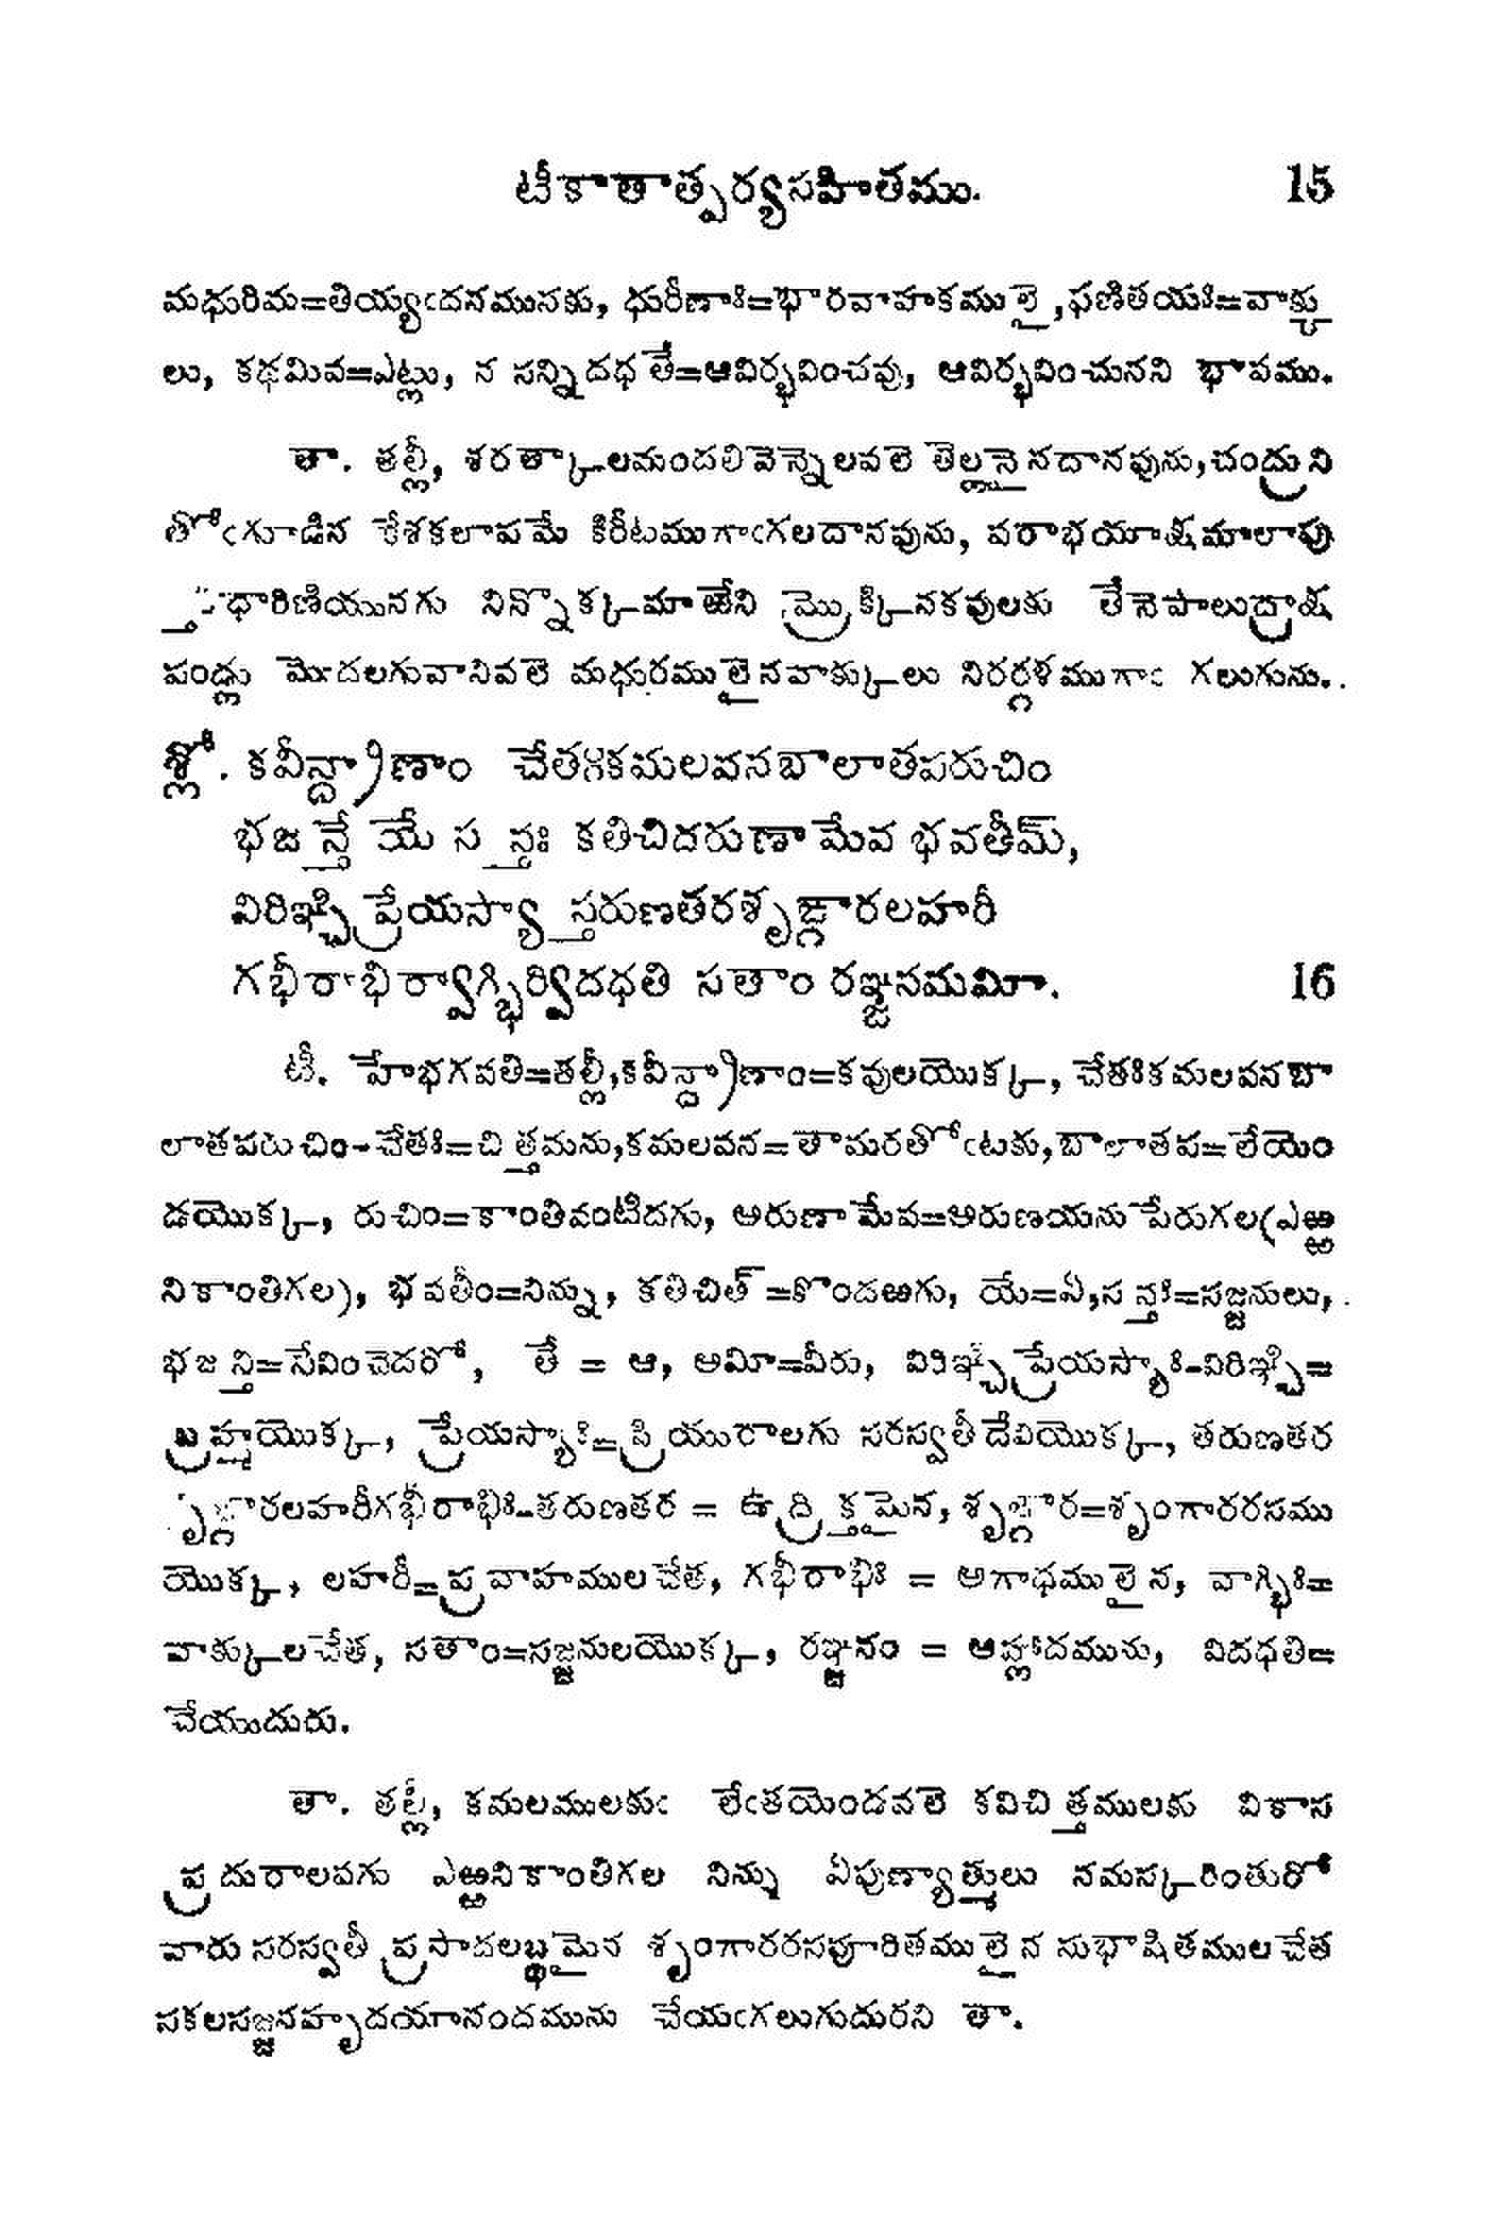మధురిమ = తియ్యఁదనమునకు, ధురీణాః = భారవాహకములై, ఫణితయః = వాక్కులు, కథమివ = ఎట్లు, న సన్నిదధతే = ఆవిర్భవించవు, ఆవిర్భవించునని భావము.

తా. తల్లీ, శరత్కాలమందలివెన్నెలవలె తెల్లనైనదానవును, చంద్రునితోఁగూడిన కేశకలాపమే కిరీటముగాఁగలదానవును, వరాభయాక్షమాలాపుస్తకాాధారిణియునగు నిన్నొక్కమాఱేని మ్రొక్కినకవులకు తేనె పాలు ద్రాక్షపండ్లు మొదలగువానివలె మధురములైనవాక్కులు నిరర్గళముగాఁ గలుగును.

శ్లో. కవీన్ద్రాణాం చేతఃకమలవనబాలాతపరుచిం
 భజన్తే యే సన్తః కతిచిదరుణామేవ భవతీమ్,
 విరిఞ్చిప్రేయస్యాస్తరుణతరశృఙ్గారలహరీ
 గభీరాభిర్వాగ్భిర్విదధతి సతాం రఞ్జనమమీ. 16
టీ. హేభగవతి = తల్లీ, కవీన్ద్రాణాం = కవులయొక్క, చేతఃకమలవనబాలాతపరుచిం - చేతః = చిత్తమను, కమలవన = తామరతోఁటకు, బాలాతప = లేయెండయొక్క, రుచిం = కాంతివంటిదగు, అరుణామేవ = అరుణయను పేరుగల(ఎఱ్ఱనికాంతిగల), భవతీం = నిన్ను, కతిచిత్ = కొందఱగు, యే = ఏ, సన్తః = సజ్జనులు, భజన్తి = సేవించెదరో, తే = ఆ, అమీ = వీరు, విరిఞ్చిప్రేయస్యాః-విరిఞ్చి = బ్రహ్మయొక్క, ప్రేయస్యాః = ప్రియురాలగు సరస్వతీదేవియొక్క, తరుణతరశృఙ్గారలహరీగభీరాభిః-తరుణకర = ఉద్రిక్తమైన, శృఙ్గార = శృంగారరసముయొక్క, లహరీ = ప్రవాహములచేత, గభీరాభిః = అగాధములైన, వాగ్భిః = వాక్కులచేత, సతాం = సజ్జనులయొక్క, రఞ్జనం = ఆహ్లాదమును, విదధతి = చేయుదురు.

తా. తల్లీ, కమలములకుఁ లేఁతయెండవలె కవిచిత్తములకు వికాసప్రదురాలవగు ఎఱ్ఱనికాంతిగల నిన్ను ఏపుణ్యాత్ములు నమస్కరింతురో వారు సరస్వతీ ప్రసాదలబ్థమైన శృంగారరసపూరితములైన సుభాషితములచేత సకలసజ్జనహృదయానందమును చేయఁగలుగుదురని తా.